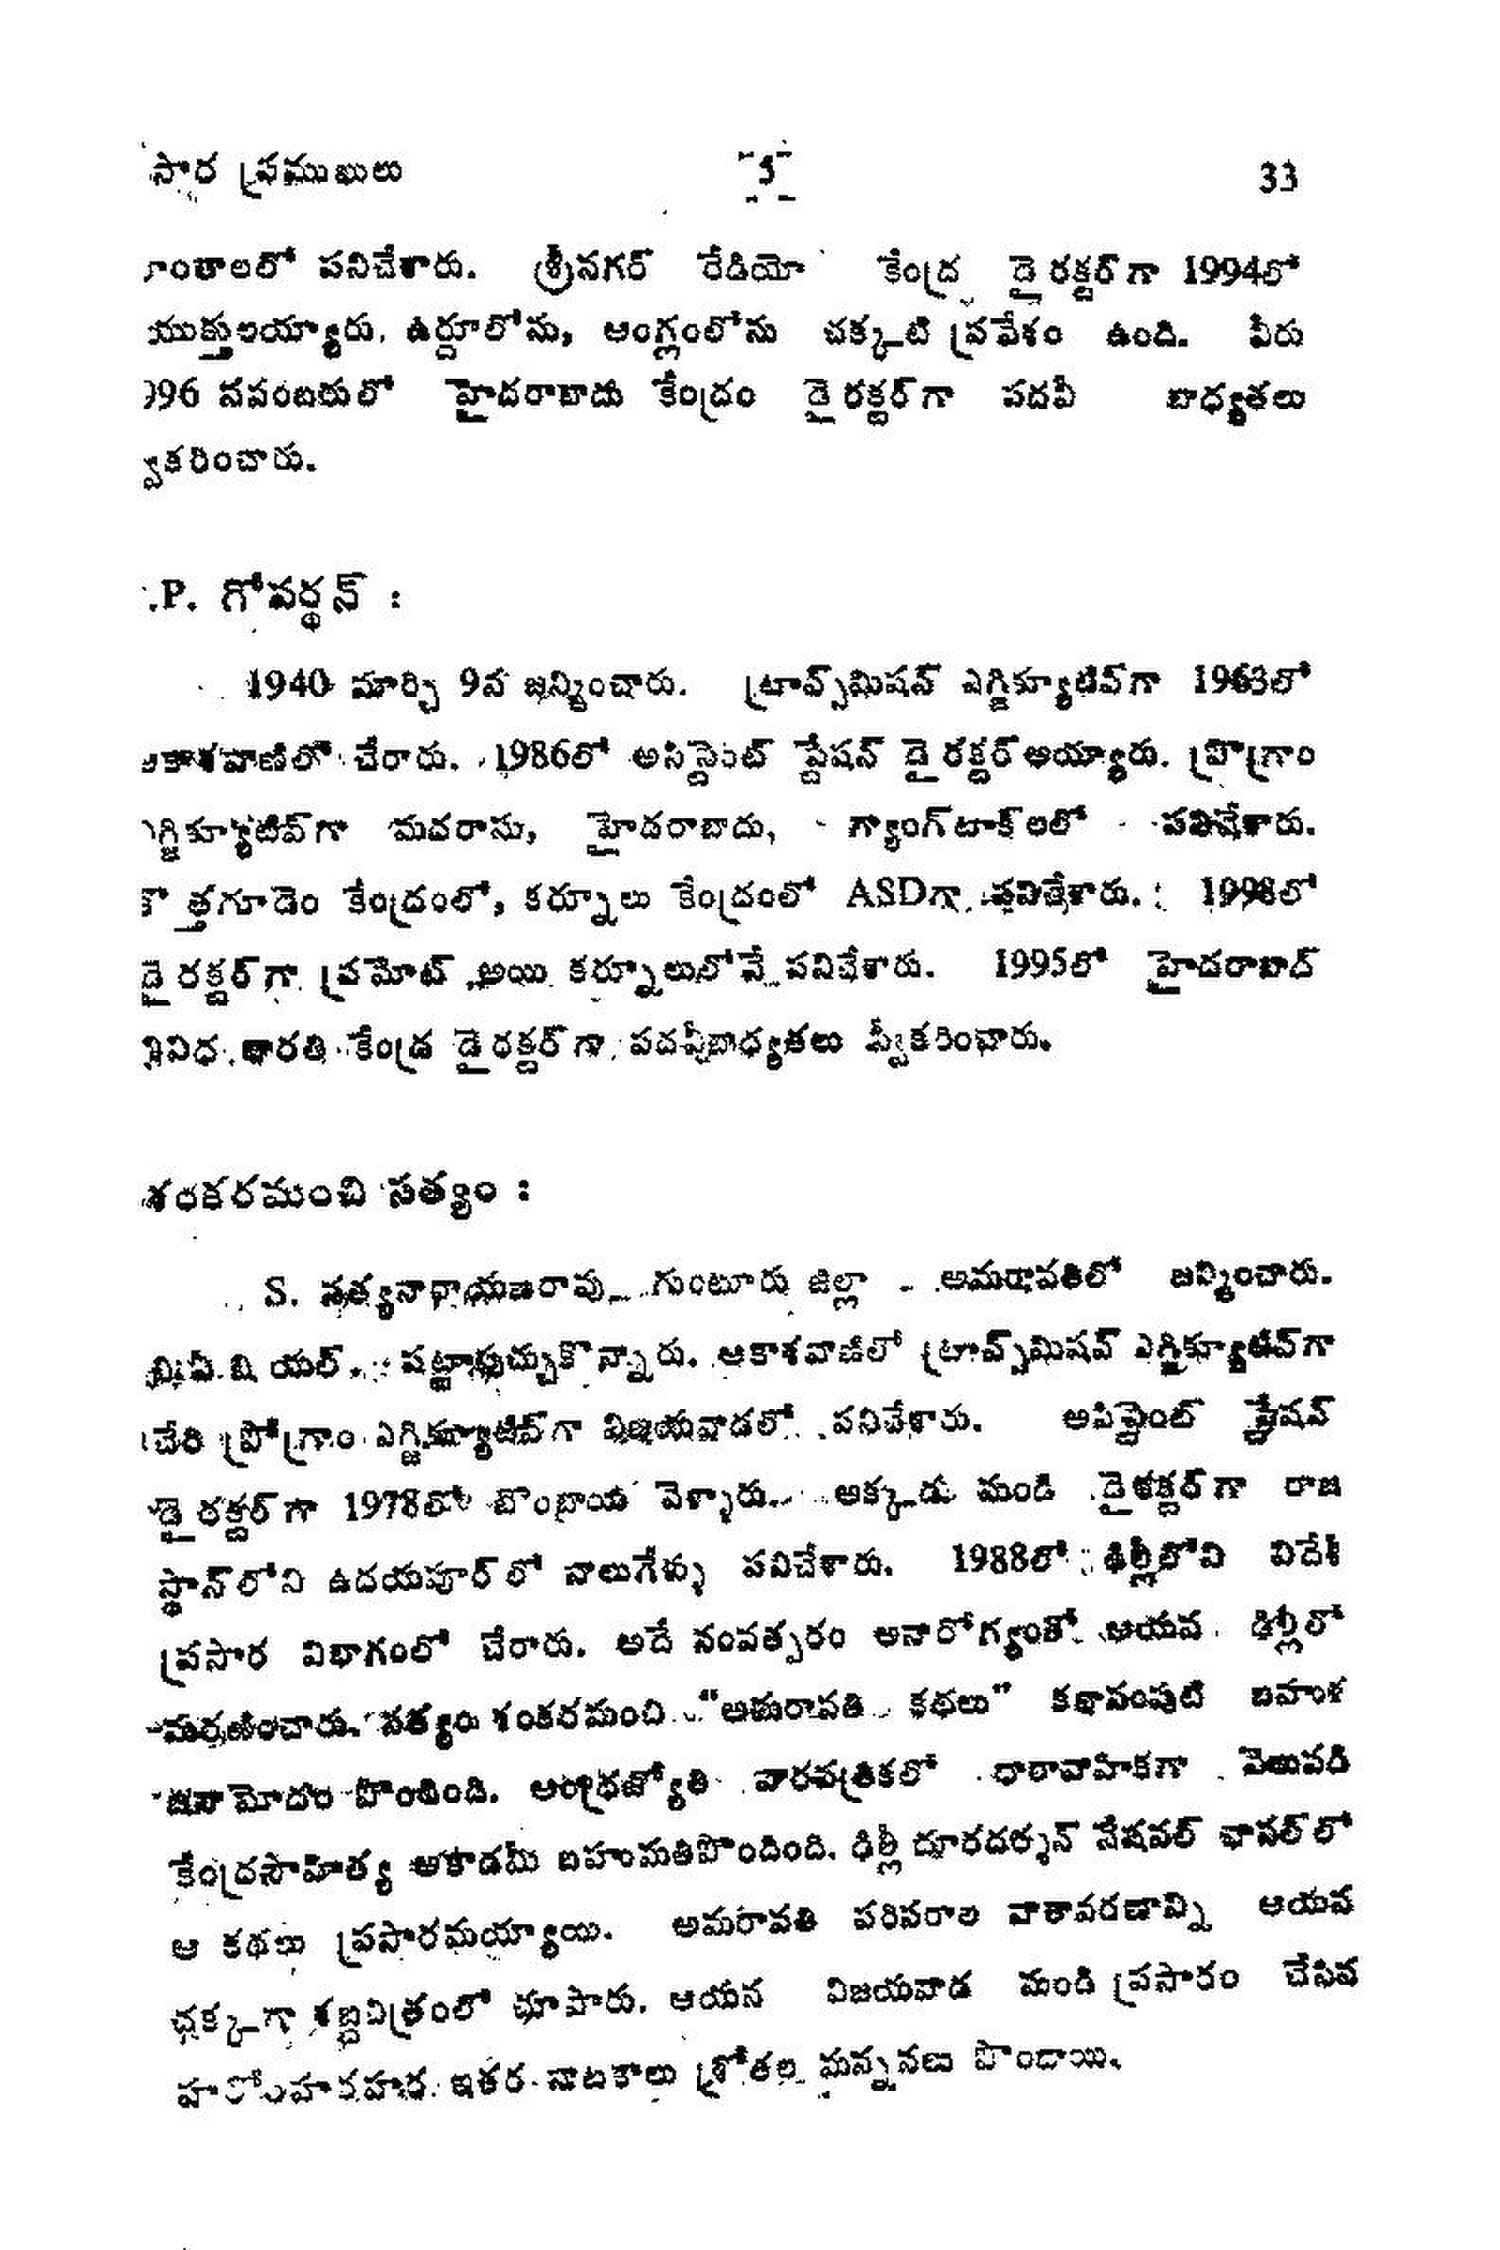ప్రాంతాలలో పనిచేశారు. శ్రీనగర్ రేడియో కేంద్ర డైరక్టర్ గా 1994లో నియుక్తులయ్యారు. ఉర్దూలోను, ఆంగ్లంలోను చక్కటి ప్రవేశం ఉంది. వీరు 1996 నవంబరులో హైదరాబాదు కేంద్రం డైరక్టర్‌గా పదవీ బాధ్యతలు స్వీకరించారు.

1940 మార్చి 9న జన్మించారు. ట్రాన్స్‌మిషన్ ఎగ్జిక్యూటివ్‌గా 1963లో ఆకాశవాణిలో చేరారు. 1986లో అసిస్టెంట్ స్టేషన్ డైరక్టర్ అయ్యారు. ప్రొగ్రాం ఎగ్జిక్యూటివ్‌గా మదరాసు, హైదరాబాదు, గ్యాంగ్‌టాక్‌లలో పనిచేశారు. కొత్తగూడెం కేంద్రంలో, కర్నూలు కేంద్రంలో ASDగా పనిచేశారు. 1998 లో డైరక్టర్‌గా ప్రమోట్ అయి కర్నూలులోనే పనిచేశారు. 1995లో హైదరాబాద్ వివిధ భారతి కేంద్ర డైరక్టర్ గా పదవీబాధ్యతలు స్వీకరించారు.

S. సత్యనారాయణరావు గుంటూరుజిల్ల అమరావతిలో జన్మించారు. బి. ఏ. బి. యల్, పట్టాపుచ్చుకొన్నారు. ఆకాశవాణిలో ట్రాన్స్‌మిషన్ ఎగ్జిక్యూటివ్‌గా చేరి ప్రోగ్రాం ఎగ్జిక్యూటివ్‌గా విజయవాడలో పనిచేశారు. అసిస్టెంట్ స్టేషన్ డైరక్టర్ గా 1978లో బొంబాయి వెళ్ళారు. అక్కడ నుండి డైరక్టర్‌గా రాజస్థాన్‌లోని ఉదయపూర్ లో నాలుగేళ్ళు పనిచేశారు. 1988 లో ఢిల్లీలోని విదేశీ ప్రసార విభాగంలో చేరారు. అదే సంవత్సరం అనారోగ్యంతో ఆయన ఢిల్లీలో మరణించారు. సత్యం శంకరమంచి "అమరావతి కథలు" కథాసంపుటి బహుళజనామోదం పొందింది. ఆంధ్రజ్యోతి వారపత్రికలో ధారావాహికగా వెలువడి కేంద్రసాహిత్య అకాడమీ బహుమతిపొందింది. ఢిల్లీ దూరదర్శన్ నేషనల్ ఛానల్‌లో ఆ కథలు ప్రసారమయ్యాయి. అమరావతి పరిసరాల వాతావరణాన్ని ఆయన చక్కగా శబ్దచిత్రంలో చూపారు. ఆయన విజయవాడ నుండి ప్రసారం చేసిన హరోంహరహర ఇతర నాటకాలు శ్రోతల మన్ననలు పొందాయి.